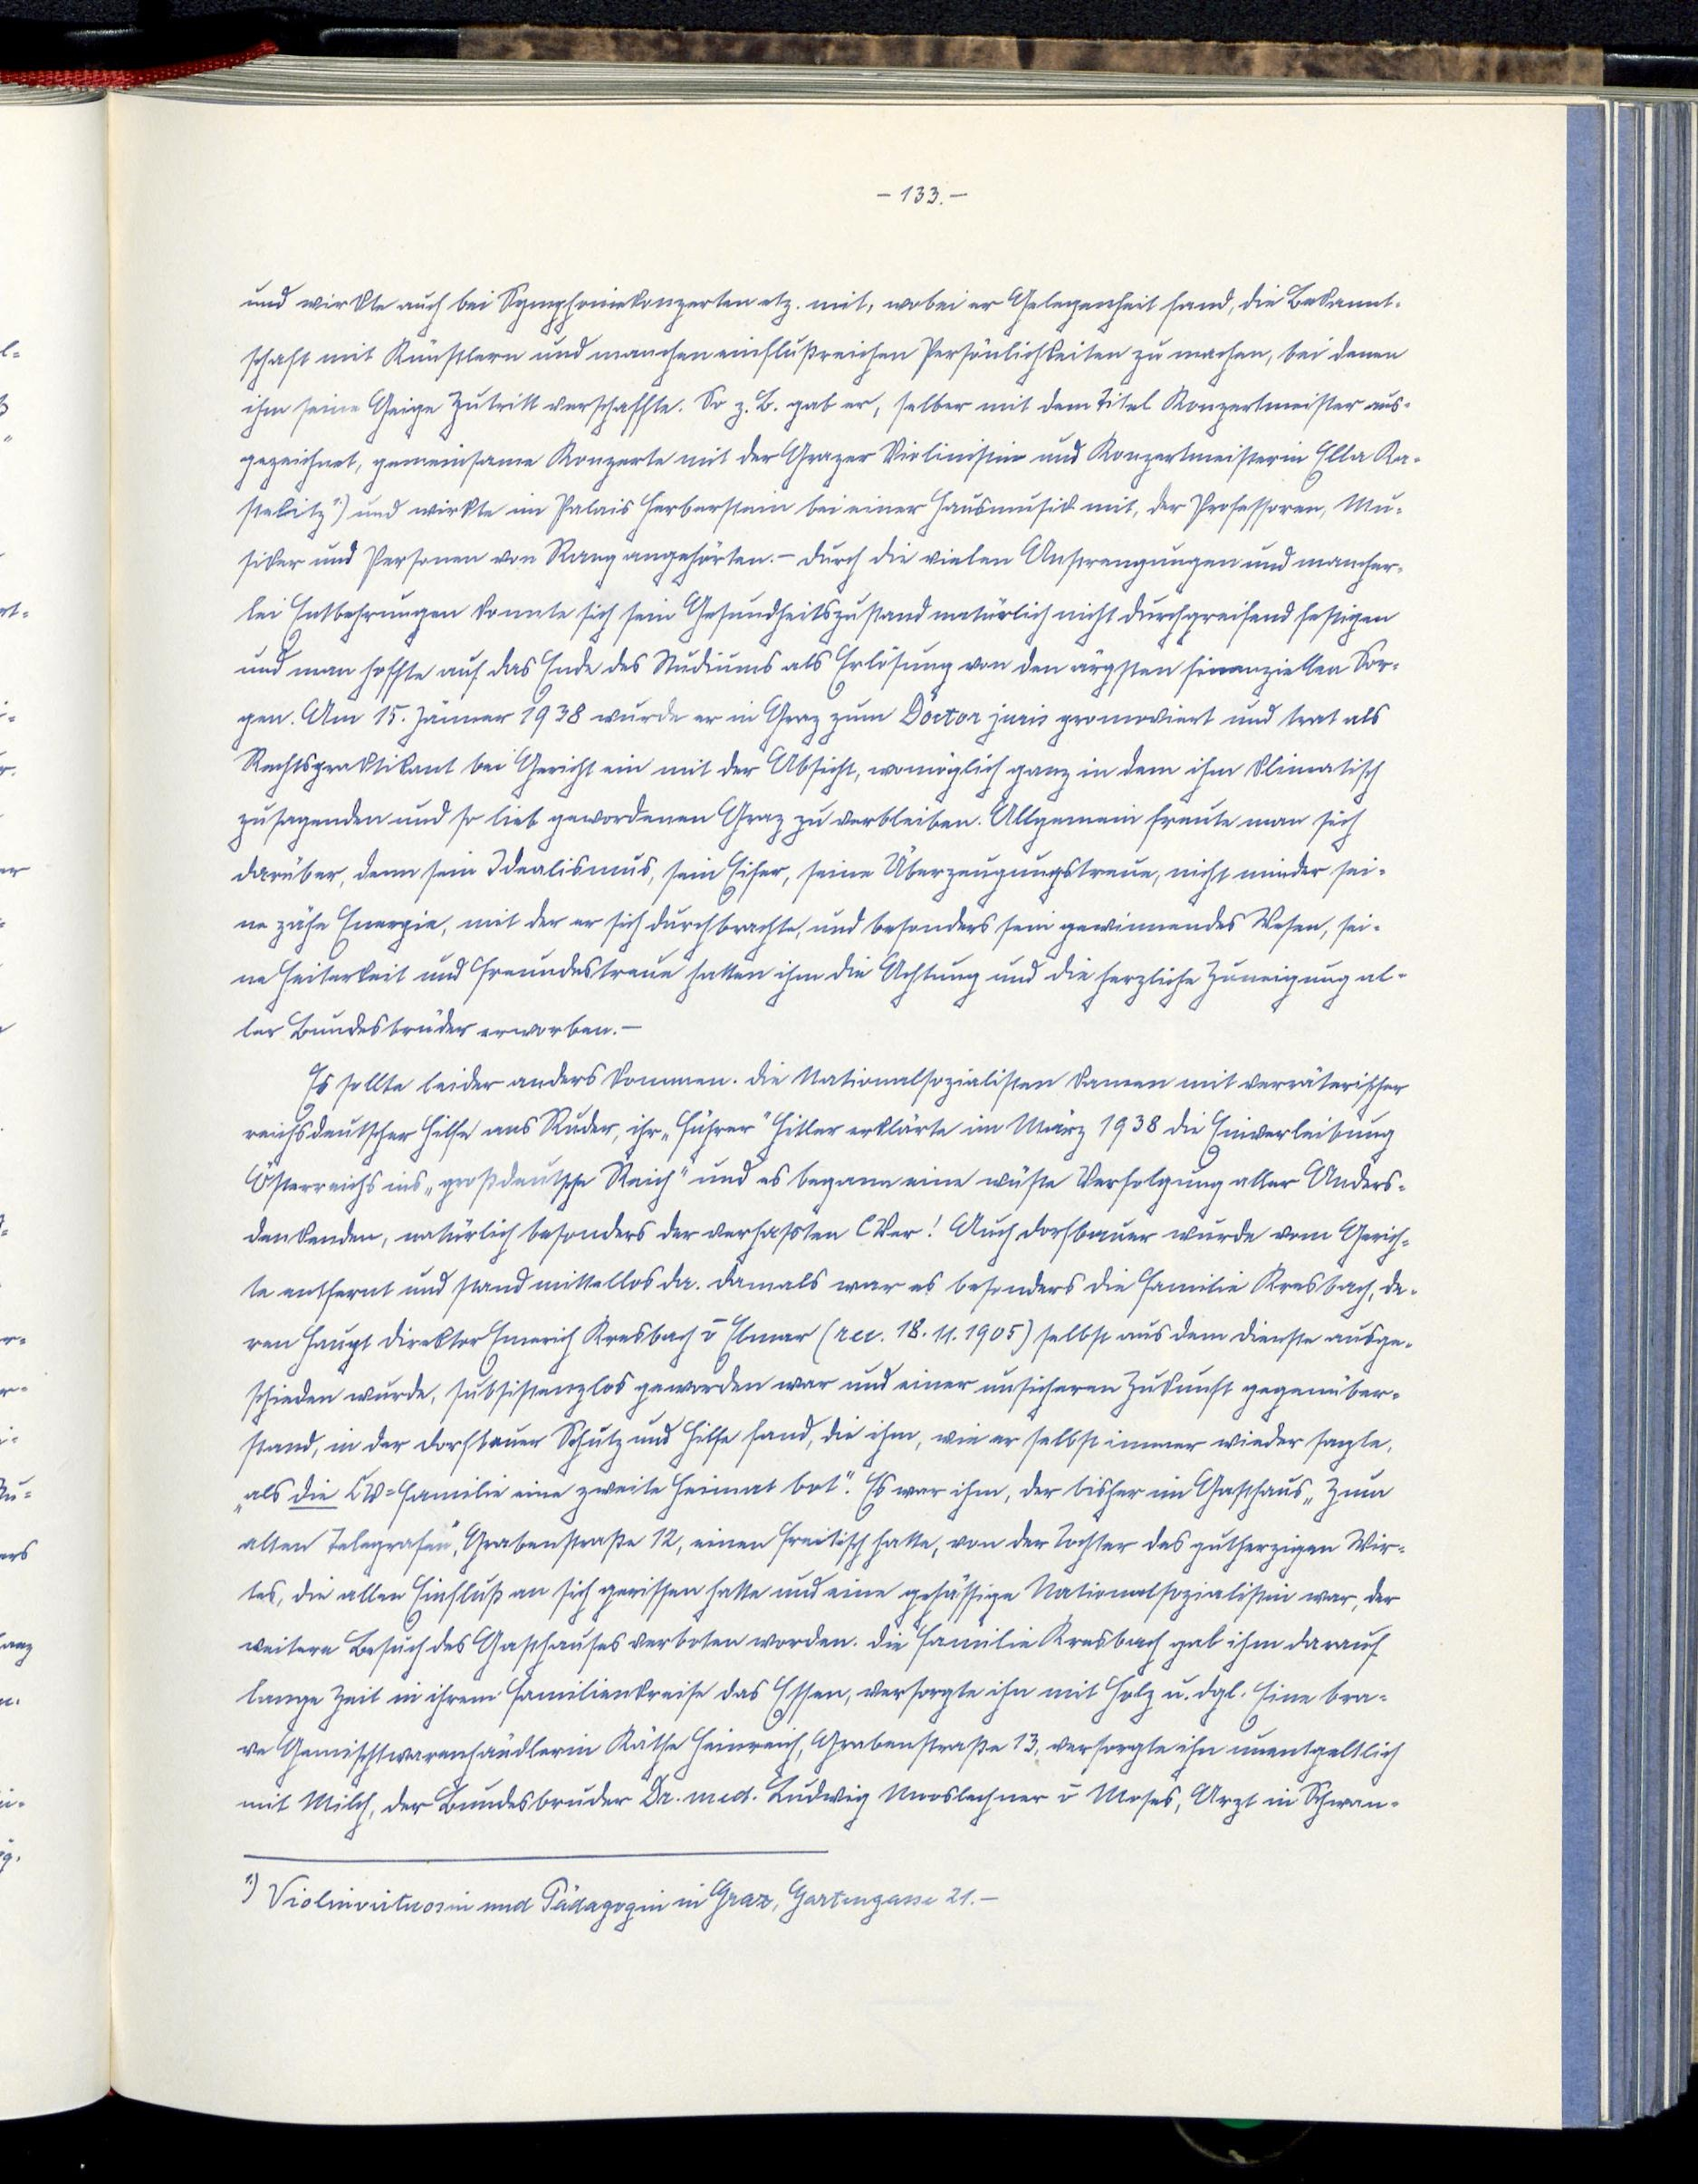133
und wirkte auch bei Symphoniekonzerten et. mit, wobei er Gelegenheit fand, die Bekannt-
schaft mit Künstlern und manchen ennflußreichen Persönlichkeiten zu machen, bei denen
ihm seine Geige Zutritt verschaffte. So z. B. gab er, selber mit dem Titel Konzertmeister ans-
gezeichnet, gemeinsame Konzerte mit der Grazer Violinistin und Konzertmeisterin Ella Ka-
stelitz 1) und wirkte im Palais Herberstein bei einer Hausmusik mit, der Professoren, Mus-
siker und Personen von Rang angehörten.- Durch die vielen Anstrengungen und mancher-
lei Entbehrungen konnte sich sein Gesundheitszustand natürlich nicht durchgreifend festigen
und man hoffte auf das Ende des Studiums als Erlösung von den ärgsten finanziellen Sor-
gen. Am 15. Jänner 1938 wurde er in Graz zum Doctor juris promoviert und trat als
Rechtspraktikant bei Gericht ein mit der Absicht, womöglich ganz in dem ihm klimatisch
zusagenden und so lieb gewordenen Graz zu verbleiben. Allgemein freute man sich
darüber, denn sein Idealismus, sein Eifer, seine Überzeugungstreue, nicht minder sei-
ne zähe Energie, mit der er sich durchbrachte, und besonders sein gewinnendes Wesen, sei-
ne Heiterkeit und Freundestreue hatten ihm die Achtung und die herzliche Zuneigung al-
ler Bundesbrüder erworben.
Es sollte leider anderes kommen. Die Nationalsozialisten kamen mit verräterischer
reichsdeutscher Hilfe ans Ruder, ihr Führer Hitler erklärte im März 1938 die Einverleibung
Österreichs "ins großdeutsche Reich" und es begann eine wüßte Verfolgung aller Anders-
denkenden, natürlich besonders der verhaßten CVer! Auch Dorfbauer wurde vom Gerich-
te entfernt und stand mittellos da. Damals war es besonders die Familie Kresbach, de-
ren Haupt Direktor Emerich Kresbach v/o Elmar (rez. 18. 11. 1905) selbst aus dem Dienste ausge-
geschieden wurde, subsistenzlos geworden war und einer unsicheren Zukunft gegenüber-
stand, in der Dorfbauer Schutz und Hilfe fand, die ihm, wie er selbst immer wieder sagte,
als die CV- Familie eine zweite Heimat bot. Es war ihm, der bisher im Gasthaus "Zum
alten Telegrafen", Grabenstraße 1, einen Freitisch hatte, von der Tochter des gutherzigen Wir-
ter, die allen Eifluß an sich gerissen hatte und eine gechässige Nationalsozialistin war, der
weiteren Besuch des Gasthauses verboten worden. Die Familie Kresbach gab ihm darauf
lange Zeit in ihrem Familienkreise das Essen, versorgte ihn mit Holz u. dgl. Eine bra-
ve Gemischtwarenhändlerin Käthe Heinreich, Grabenstraße 13, versorgte ihn unentgeltlich
mit Milch, der Bundesbruder, Dr. med. Ludwig Mooslechner v/o Moses, Arzt in Schwan-
1) Violinvirtuosin und Pädagogin in Graz, Ga.rtengasse 21.